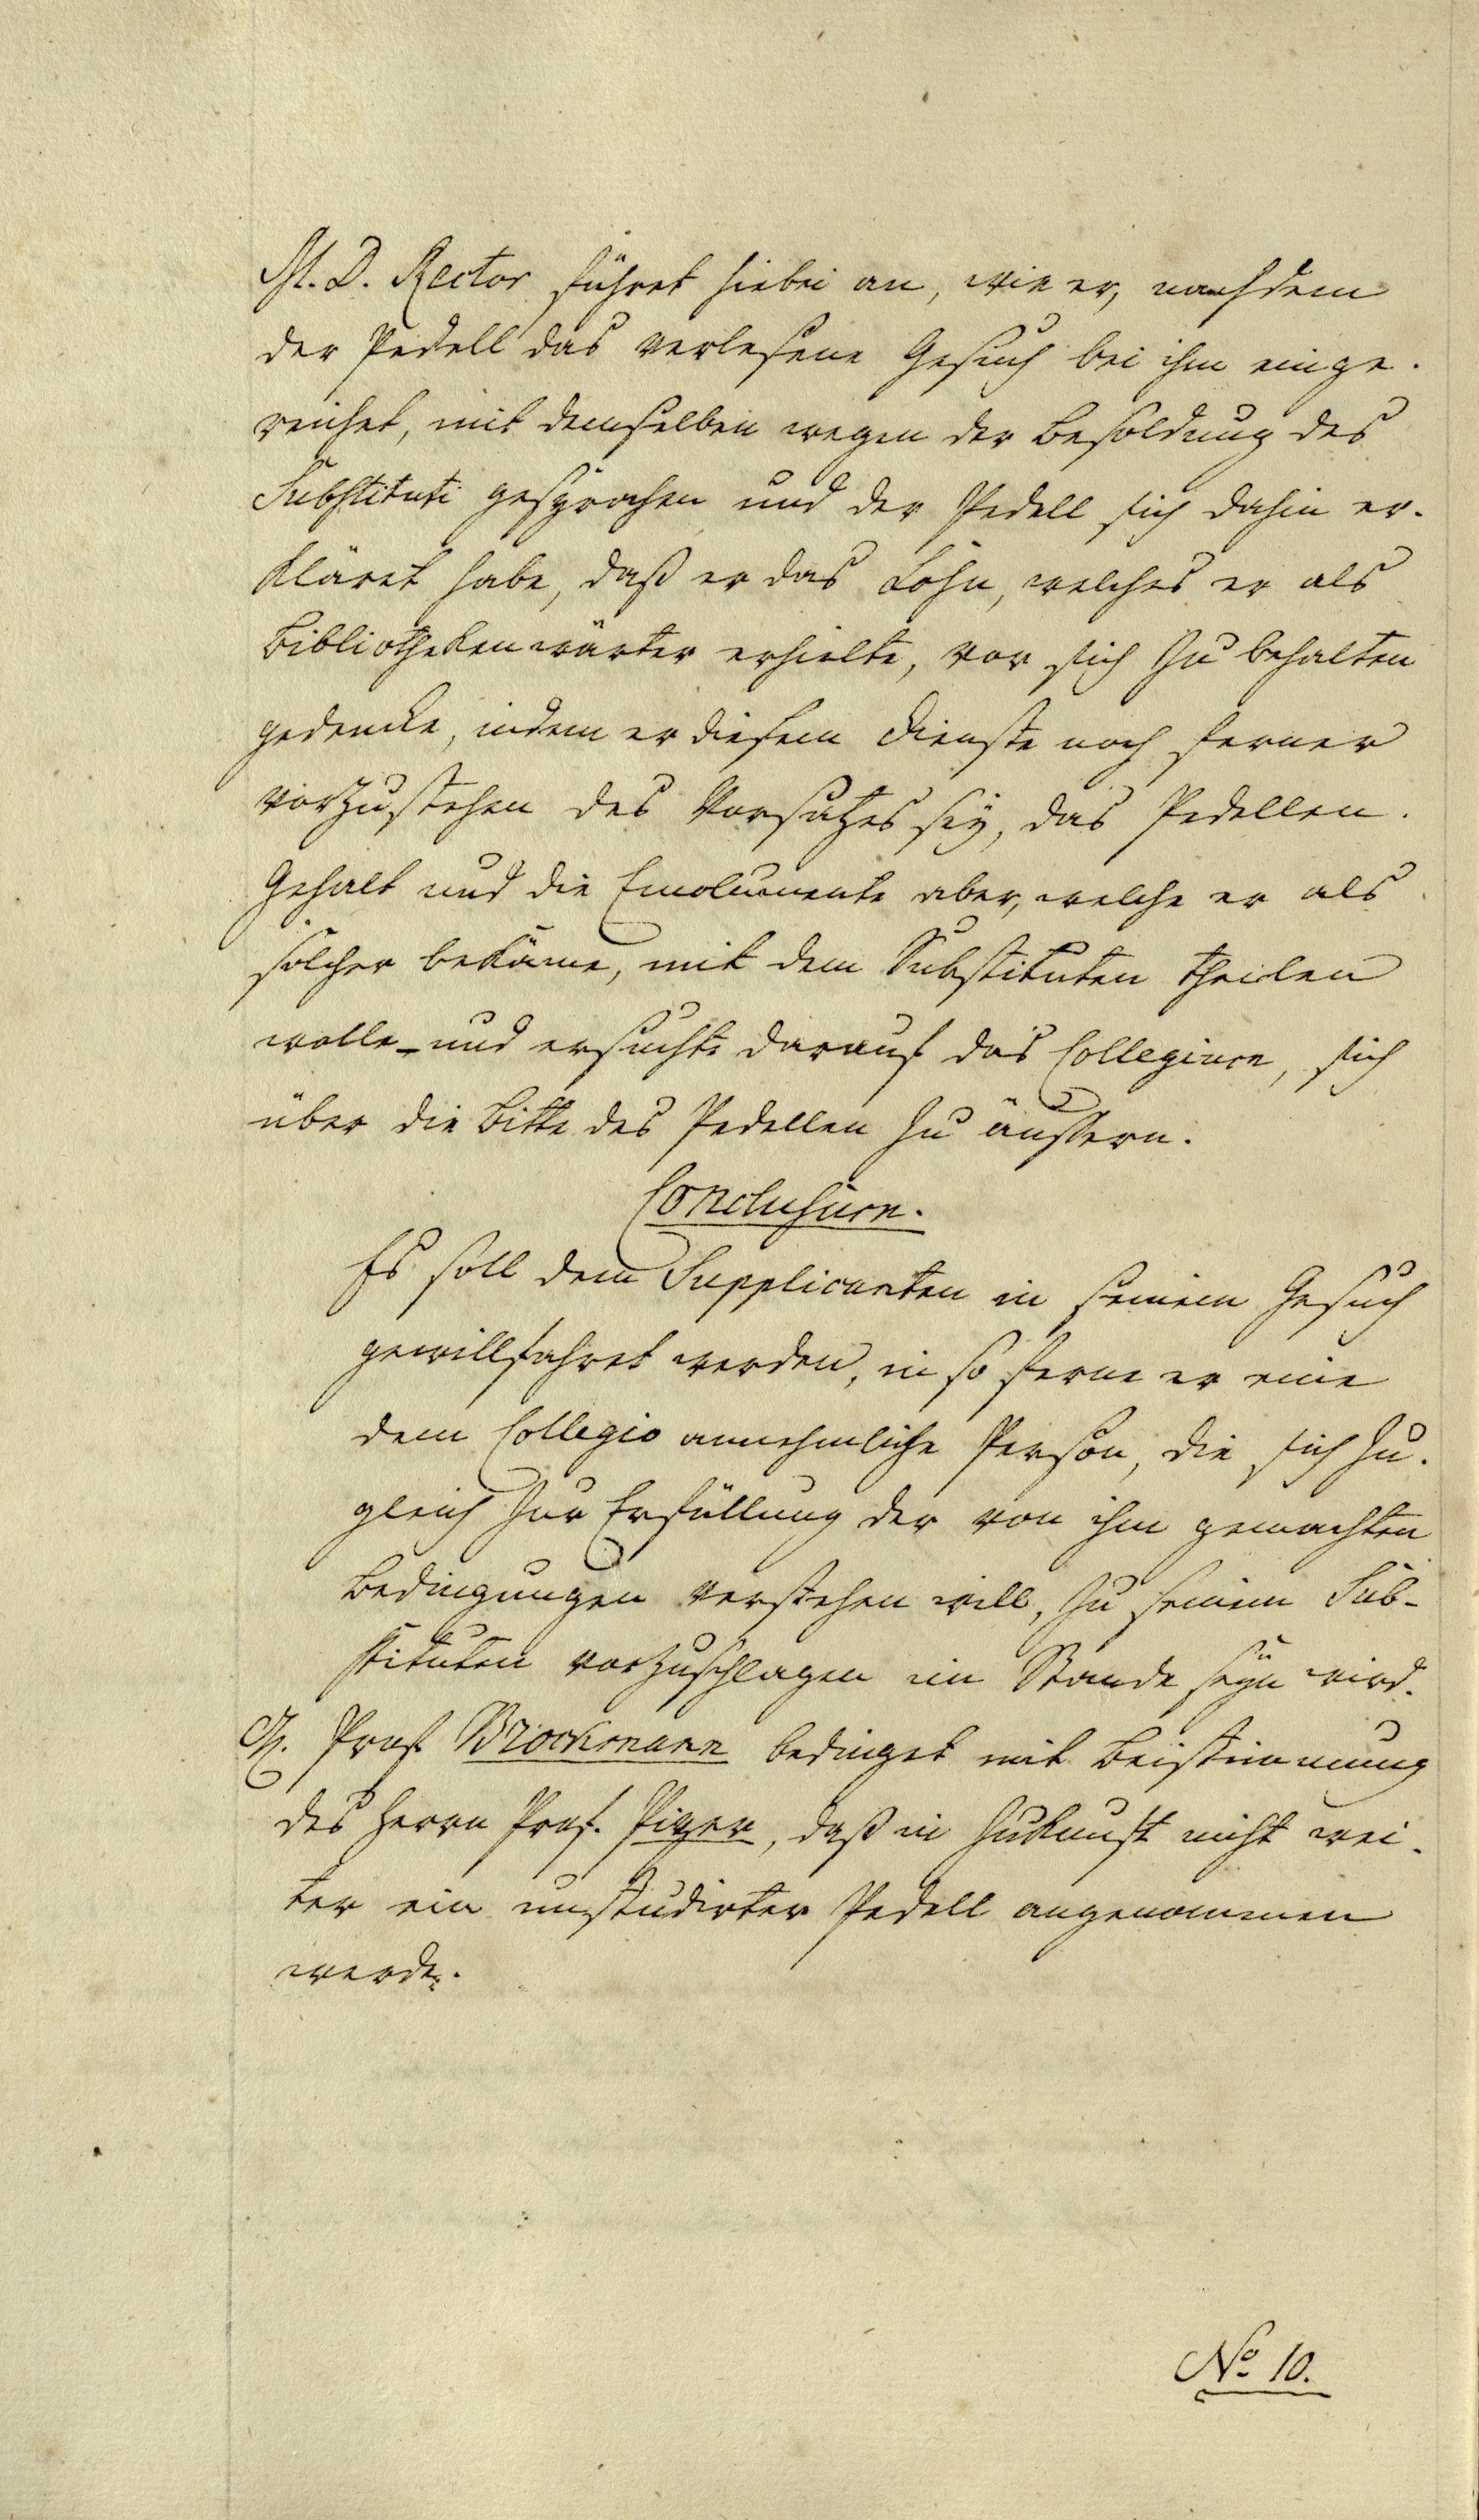M. D. Rector führet hiebei an, wie er, nachdem
der Pedell das verlesene Gesuch bei ihm einge¬
reichet, mit demselben wegen der Besoldung des
Substituti gesprochen und der Pedell sich dahin er¬
kläret habe, daß er das Lohn, welches er als
Bibliothekenwärter erhielte, vor sich zu behalten
gedencke, indem er diesem Dienste noch ferner
vorzustehen des Vorsatzes seÿ, das Pedellen
Gehalt und die Emolumente aber, welche er als
solcher bekäme, mit dem Substituten theilen
wolle und ersuchte darauf das Collegium, sich
über die Bitte des Pedellen zu äussern.
Conclusum.
Es soll des Supplicanten in seinem Gesuch
gewillfahret werden, in so ferne er eine
dem Collegio annehmliche Person, die sich zu¬
gleich zur Erfüllung der von ihm gemachten
Bedingungen verstehen will, zu seinem Sub¬
stituten vorzuschlagen im Stande seÿn wird.
dh. Prof. Brockmann bedinget mit Beistinnmung
des Herrn Prof. Piper, daß in Zukunft nicht wei¬
ter ein unstudirter Pedell angenommen
werde.
No 10.